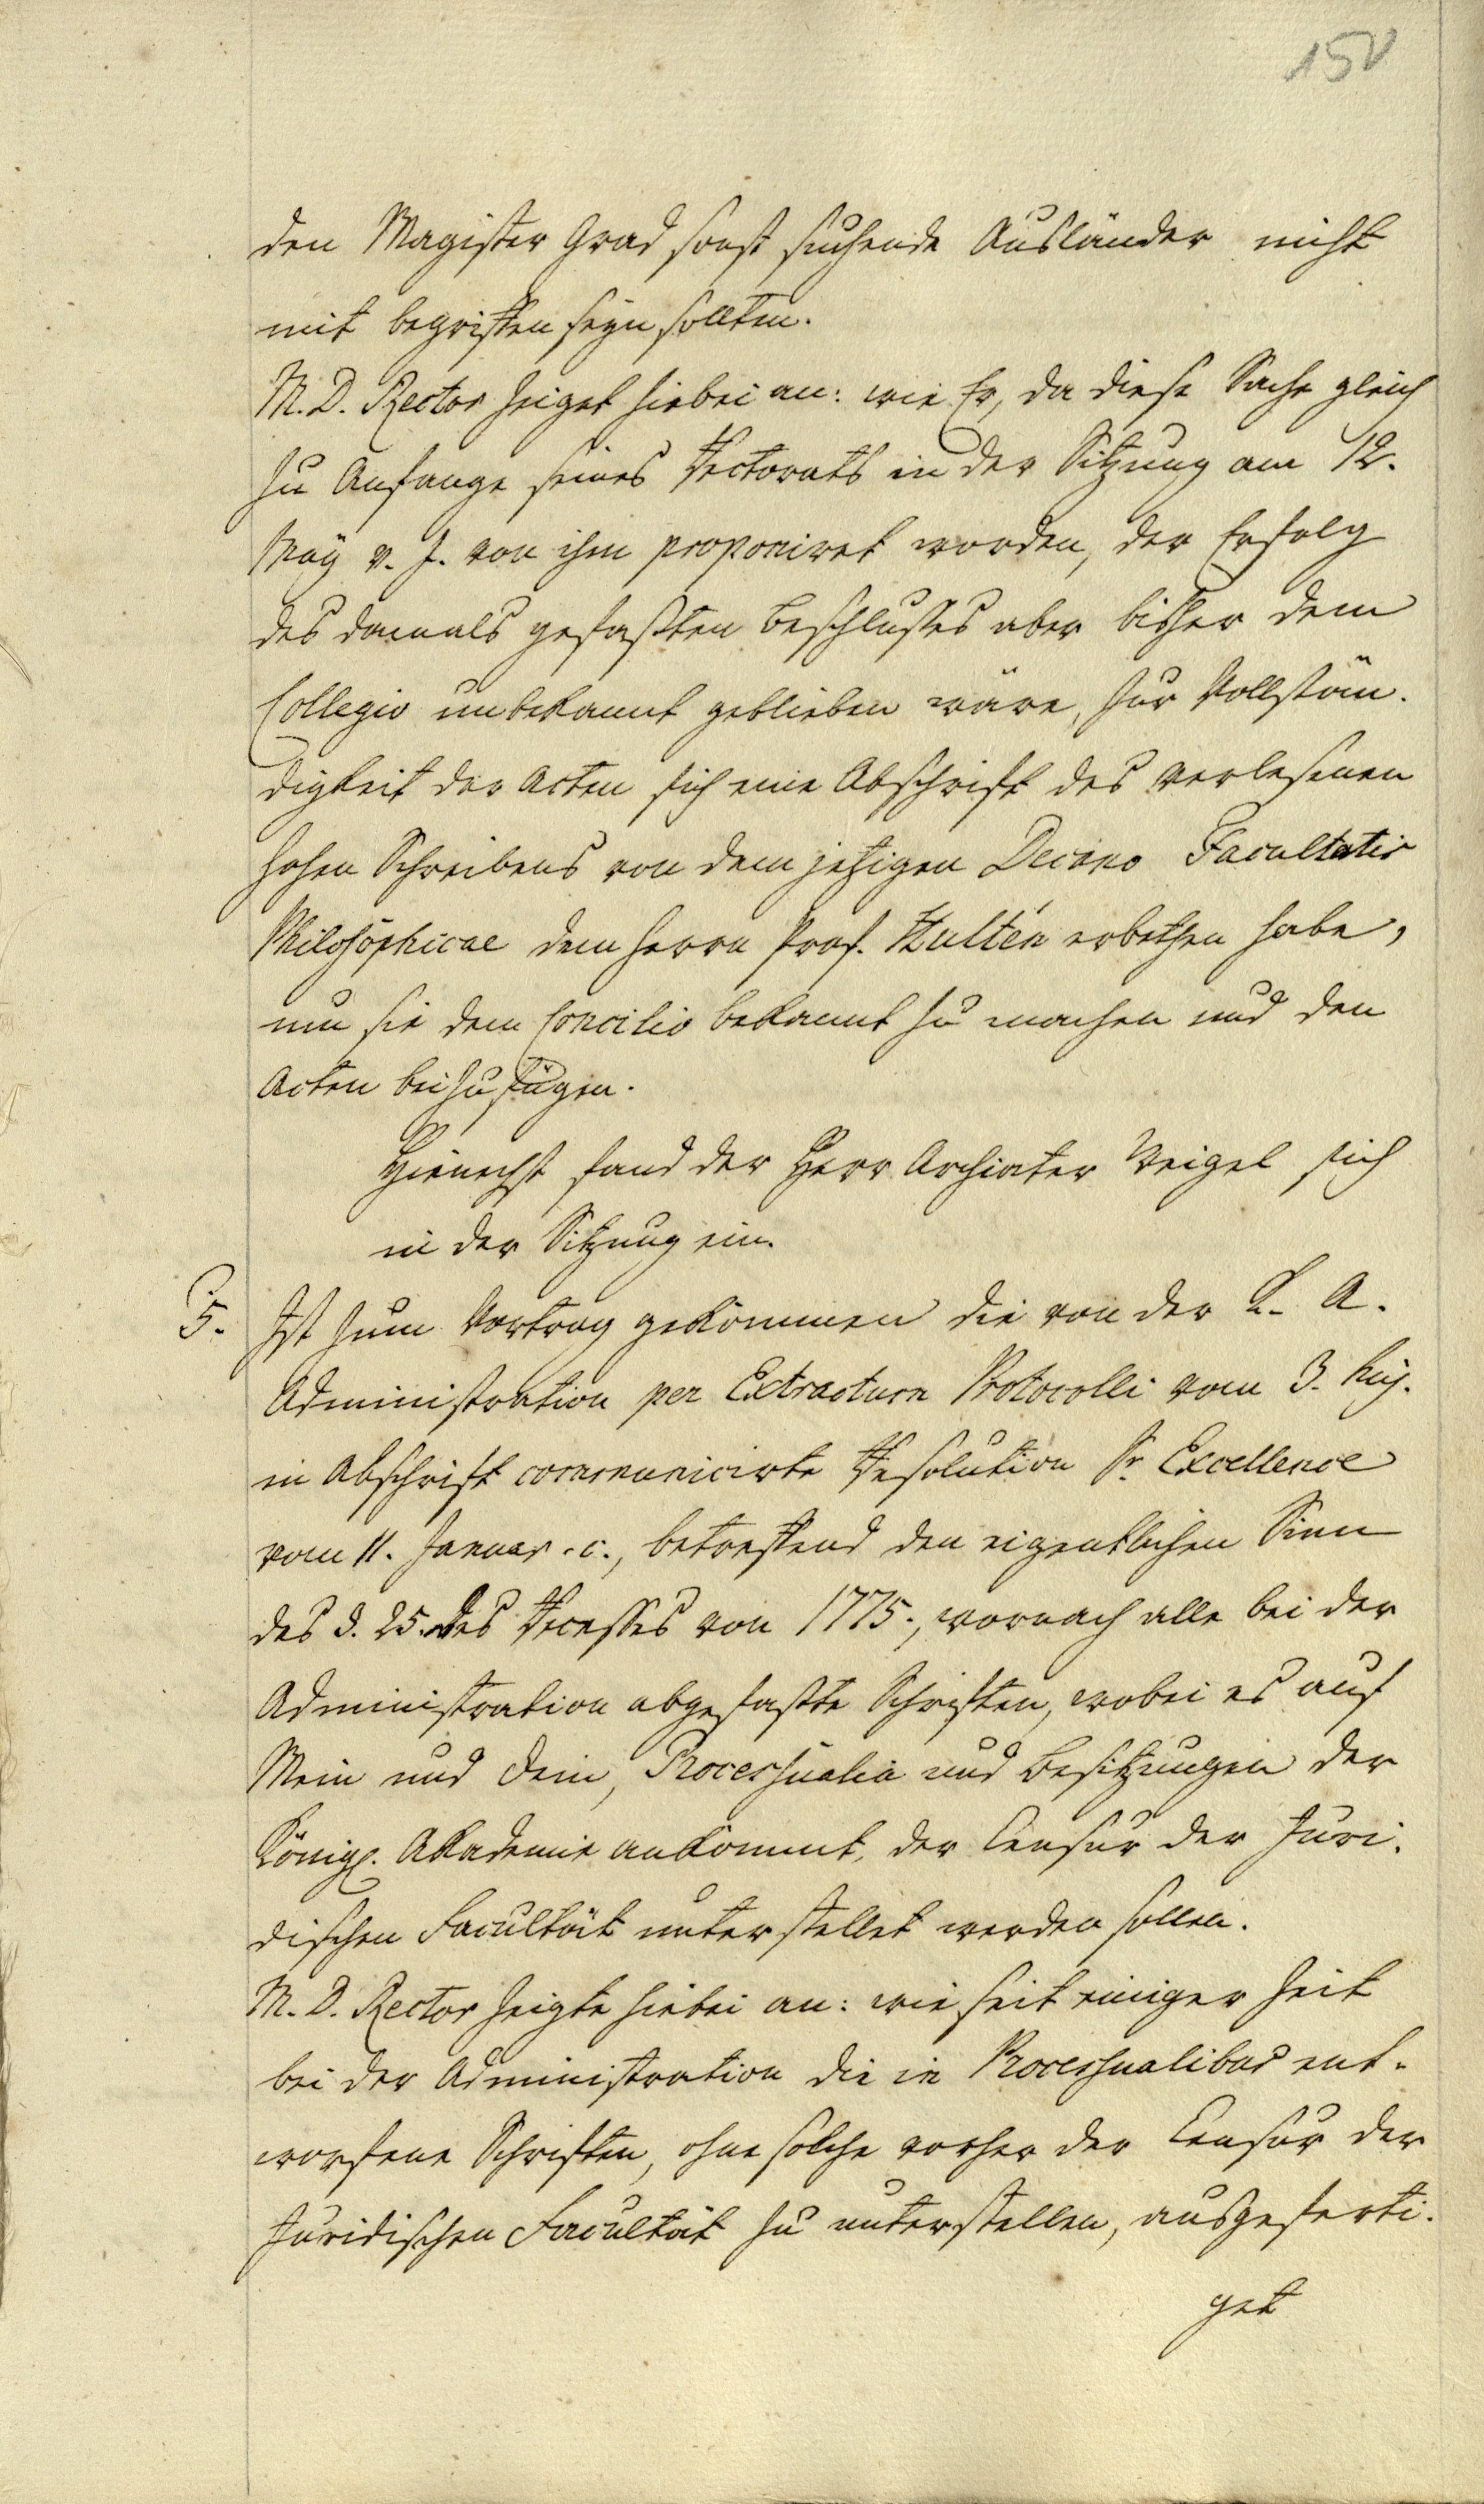den Magister Grad sonst suchende Ausländer nicht
mit begriffen seÿn sollten.
M. D. Rector zeiget hiebei an: wie Er, da diese Sache gleich
zu Anfange seines Rectorats in der Sitzung am 12.
Maÿ v. J. von ihm proponiret worden, der Erfolg
des damals gefaßten Beschlusses aber bisher dem
Collegio unbekannt geblieben wäre, zur Vollstän¬
digkeit der Acten sich eine Abschrift des verlesenen
hohen Schreibens von dem jetzigen Decano Facultatis
Philosophicae dem Herrn Prof. Hultén erbethen habe,
um sie dem Concilio bekannt zu machen und den
Acten beizufügen.
Hienechst fand der Herr Archiater Weigel sich
in der Sitzung ein.
5. Ist zum Vortrag gekommen die von der K. A.
Administration per Extractum Protocolli vom 3. huj.
in Abschrift communicirte Resolution Sr Excellence
vom 11. Januar c., betreffend den eigentlichen Sinn
des §. 25 des Recesses von 1775., wornach alle bei der
Administration abgefaßte Schriften, wobei es auf
Mein und Dein, Processualia und Besitzungen der
Königl. Akademie ankommt, der Censur der Juri¬
dischen Facultät unterstellet werden sollen.
M. D. Rector zeigte hiebei an: wie seit einiger Zeit
bei der Administration die in Processualibus ent¬
worfene Schriften, ohne solche vorher der Censur der
Juridischen Facultät zu unterstellen, ausgeferti¬
get